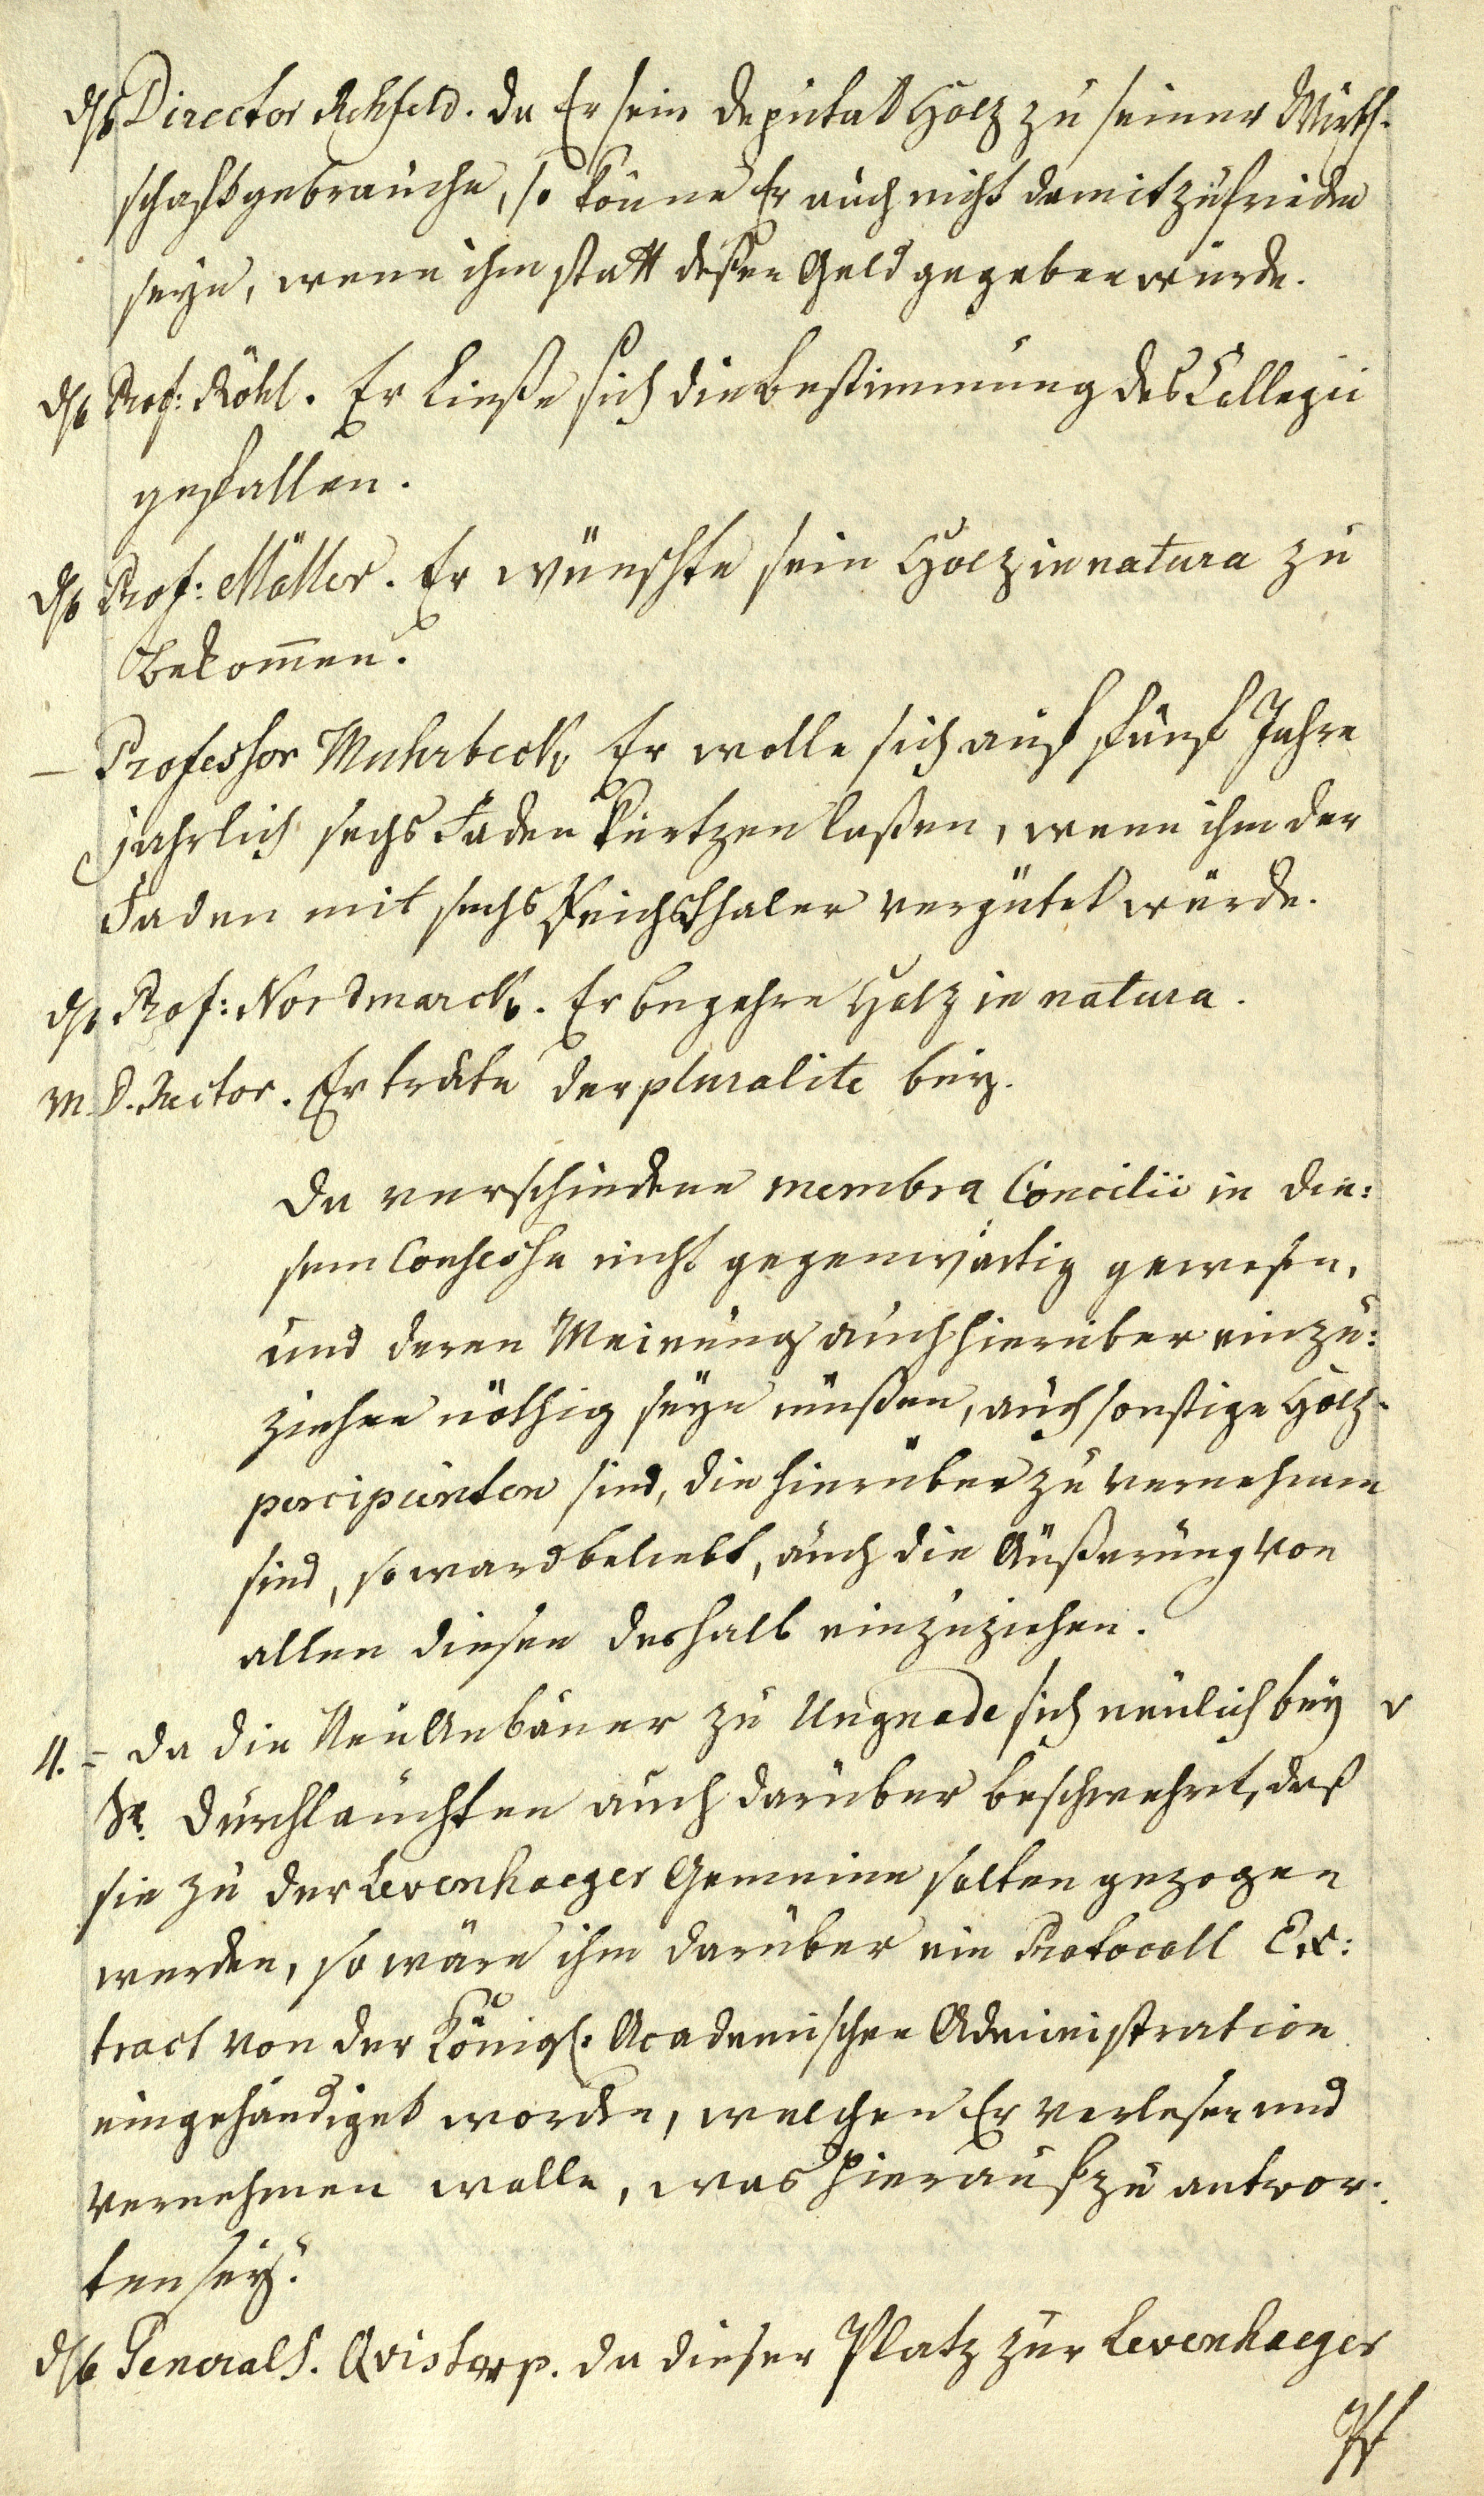dh Director Rehfeld. Da Er sein Deputat Holz zu seiner Wirth¬
schaft gebrauche, so könne Er auch nicht damit zufrieden
seÿn, wenn ihm statt deßen Geld gegeben würde.
dh Prof Röhl. Er ließe sich die Bestimmung des Collegii
gefallen.
dh Prof. Möller. Er wünschte sein Holz in natura zu
bekomen.
Professor Muhrbeck Er wolle sich auf für Jahre
jährlich sechs Faden kürtzen laßen, wenn ihm der
Faden mit sechs Reichsthalern vergütet würde.
dh Prof. Nordmarck. Er begehre Holz in natura.
M. D. Rector. Er träte der pluralite beÿ.
Da verschiedene membra Concilii in die¬
sen Consessu nicht gegenwärtig gewesen,
und deren Meinung auch hierüber einzu¬
ziehen nöthig seÿn müßen, auch sonstige Holz¬
percipienten sind, die hierüber zu vernehmen
sind, so ward beliebt, auch die Äußerung von
allen diesen deshalb einzuziehen.
4. Da die NeuAnbauer zu Ungnade sich neulich beÿ
Sr. Durchlauchten auch darüber beschwehret, daß
sie zu der Levenhaeger Gemeine solten gezogen
werden, so wäre ihm darüber ein Protocoll Ex¬
tract von der Königl. Academischen Administration
eingehändiget worden, welchen Er verlesen und
vernehmen wolle, was hierauf zu antwor¬
ten seÿ?
dh GeneralS. Quistorp. Da dieser Platz zur Levenhaeger
Pf